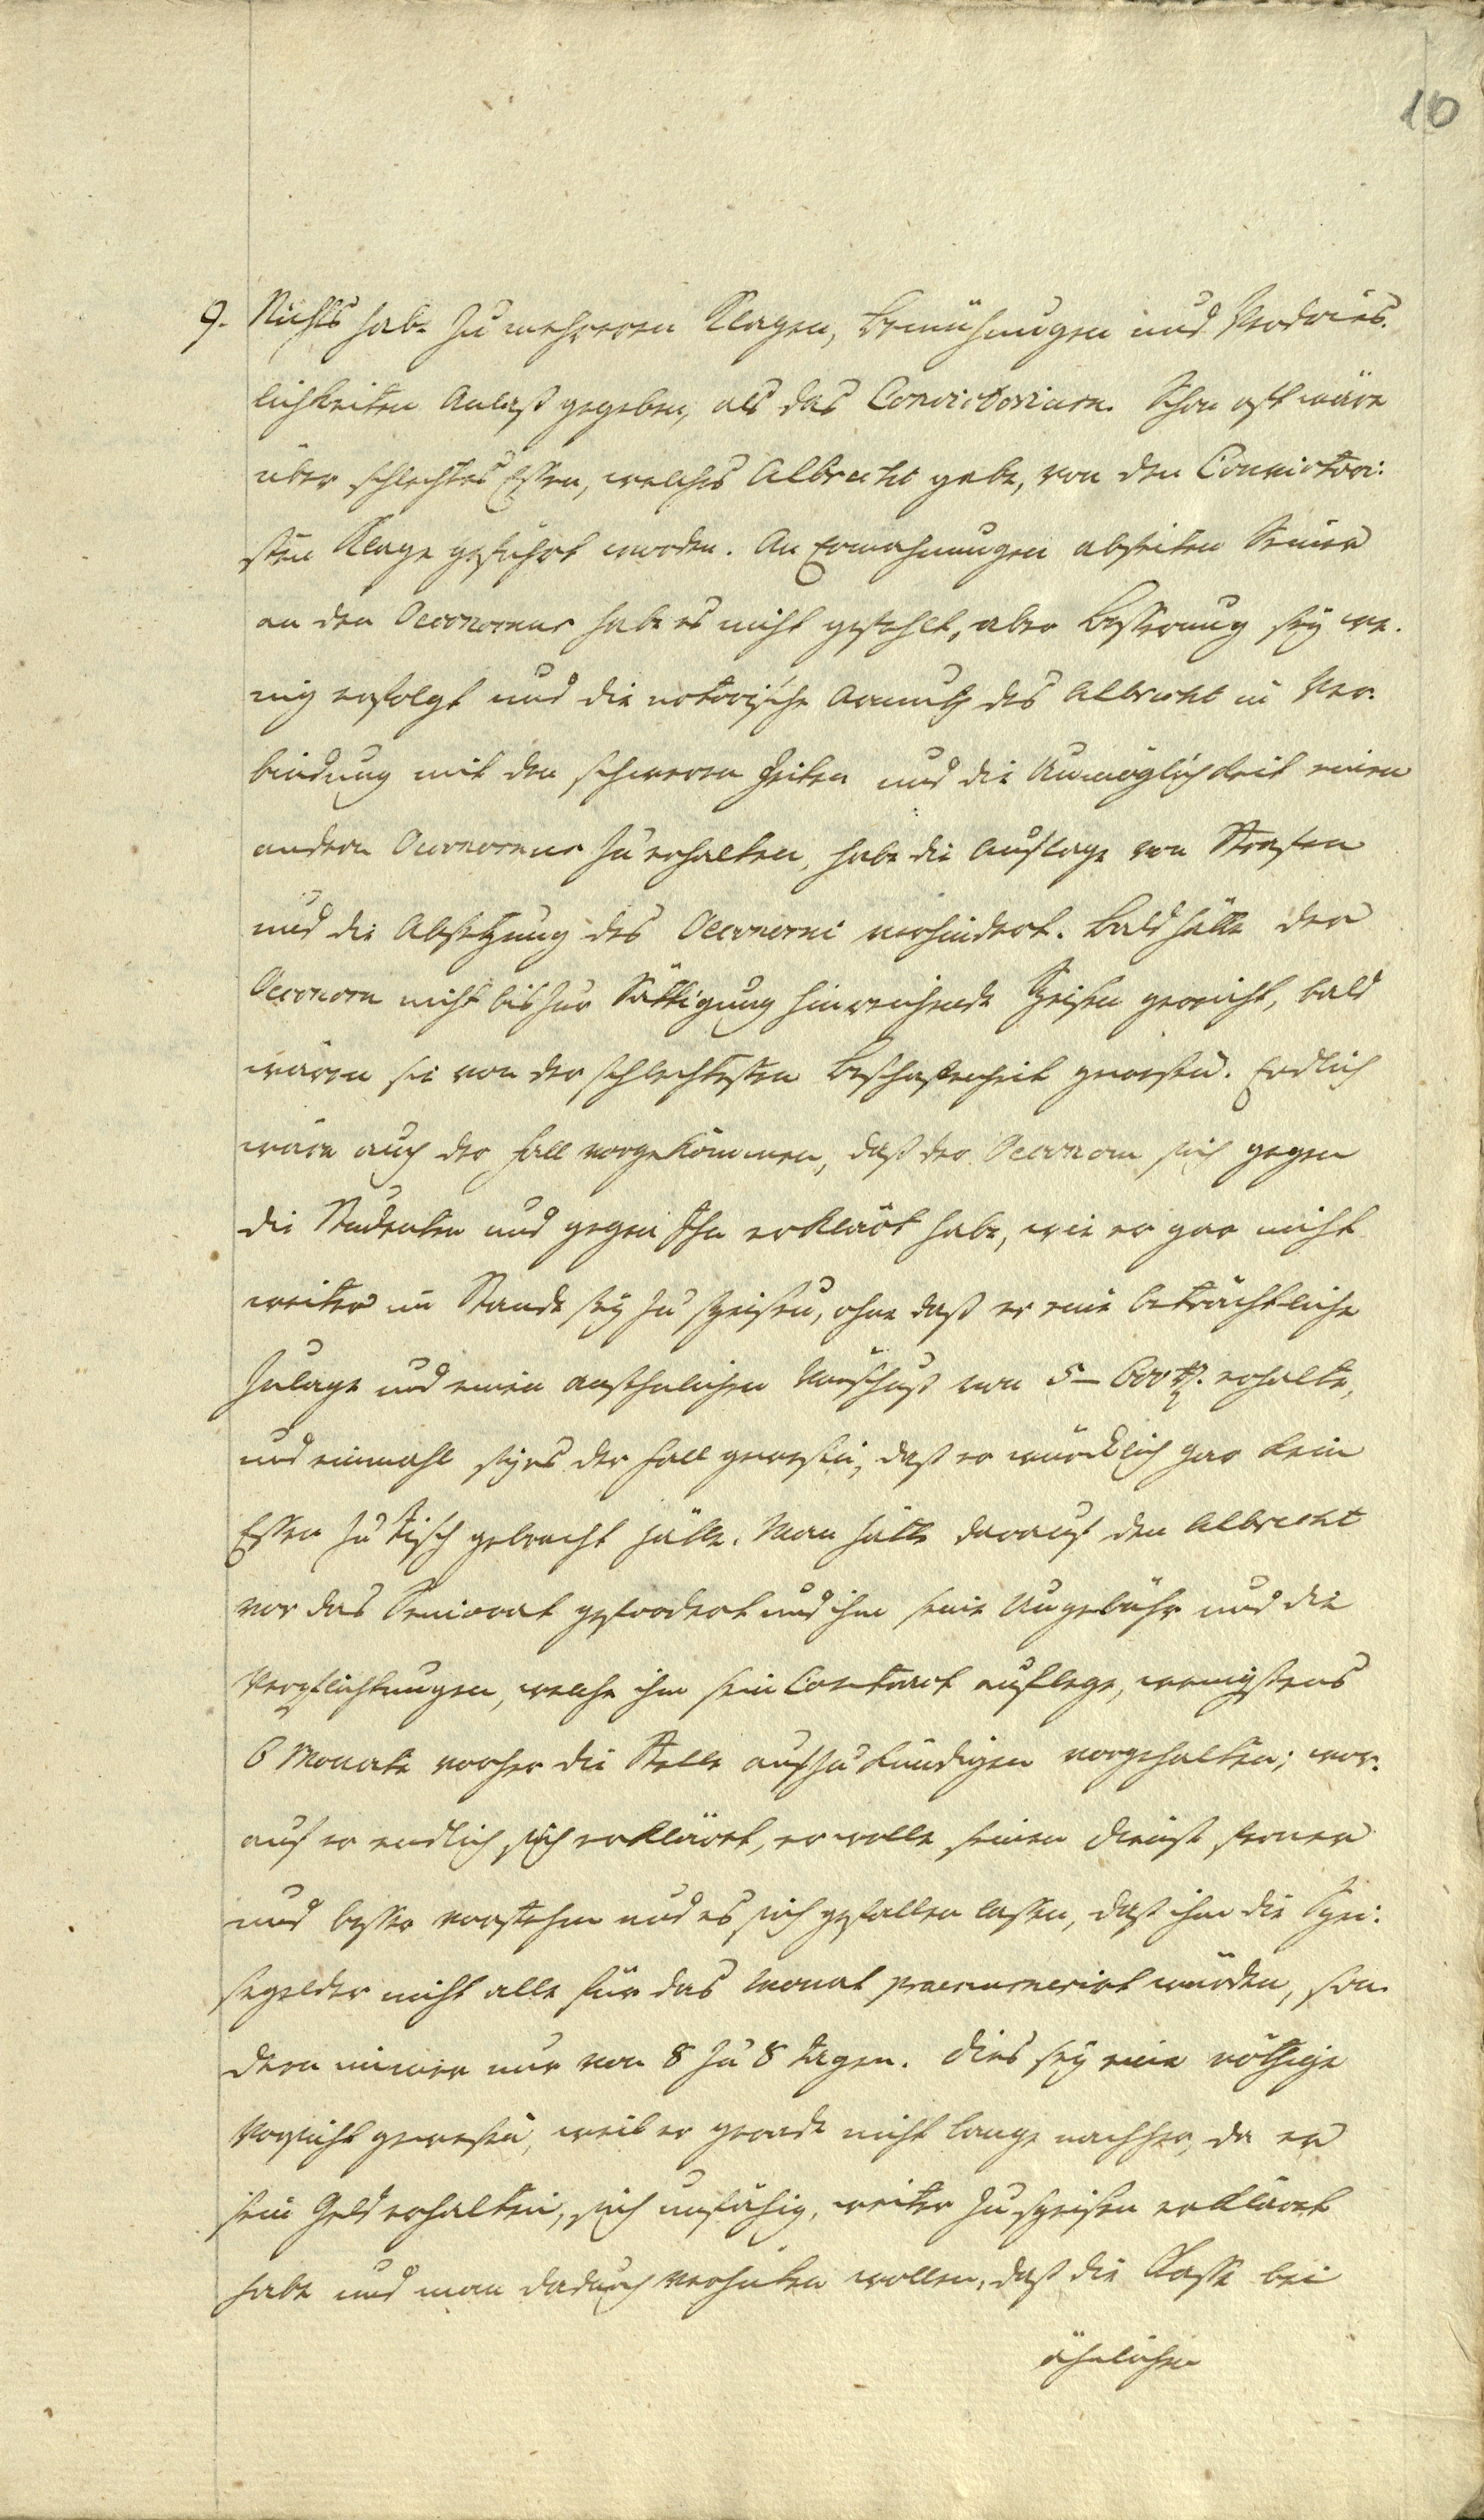9. Nichts habe zu mehreren Klagen, Bemühungen und Verdries¬
lichkeiten Anlaß gegeben, als das Convictorium. Schon oft wäre
über schlechtes Essen, welches Albrecht gebe, von den Convictori¬
sten Klage geführt worden. An Ermahnungen abseiten Seiner
an den Oeconomus habe es nicht gefehlet, aber Besserung seÿ we¬
nig erfolgt und die notorische Armuth des Albrecht in Ver¬
bindung mit den schweren Zeiten und die Unmöglichkeit, einen
andern Oeconomus zu erhalten, habe die Auflage von Strafen
und die Absetzung des Oeconomi verhindert. Bald hätte der
Oeconom nicht bis zur Sättigung hinreichende Speisen gereicht, bald
wären sie von der schlechtesten Beschaffenheit gewesen. Endlich
wäre auch der Fall vorgekommen, daß der Oeconom sich gegen
die Studenten und gegen Ihn erklärt habe, wie er gar nicht
weiter im Stande seÿ zu speisen, ohne daß er eine beträchtliche
Zulage und einen ansehnlichen Vorschuß von 5 - 600 rt. erhalte,
und einmahl seÿ es der Fall gewesen, daß er würcklich gar kein
Essen zu Tisch gebracht hätte. Man hätte darauf den Albrecht
vor das Seniorat gefordert und ihm seine Ungebühr und die
Verpflichtungen, welche ihm sein Contract auflege, wenigstens
6 Monate vorher die Stelle aufzukündigen vorgehalten; wor¬
auf er endlich sich erkläret, er wolle seinen Dienst ferner
und besser vorstehen und es sich gefallen lassen, daß ihm die Spei¬
segelder nicht alle für das Monat praenumerirt würden, son¬
dern immer nur von 8 zu 8 Tagen. Dies seÿ eine nöthige
Vorsicht gewesen, weil er gerade nicht lange nachher, da er
sein Geld erhalten, sich unfähig, weiter zu speisen erkläret
habe und man dadurch verhüten wollen, daß die Kasse bei
ähnlichen